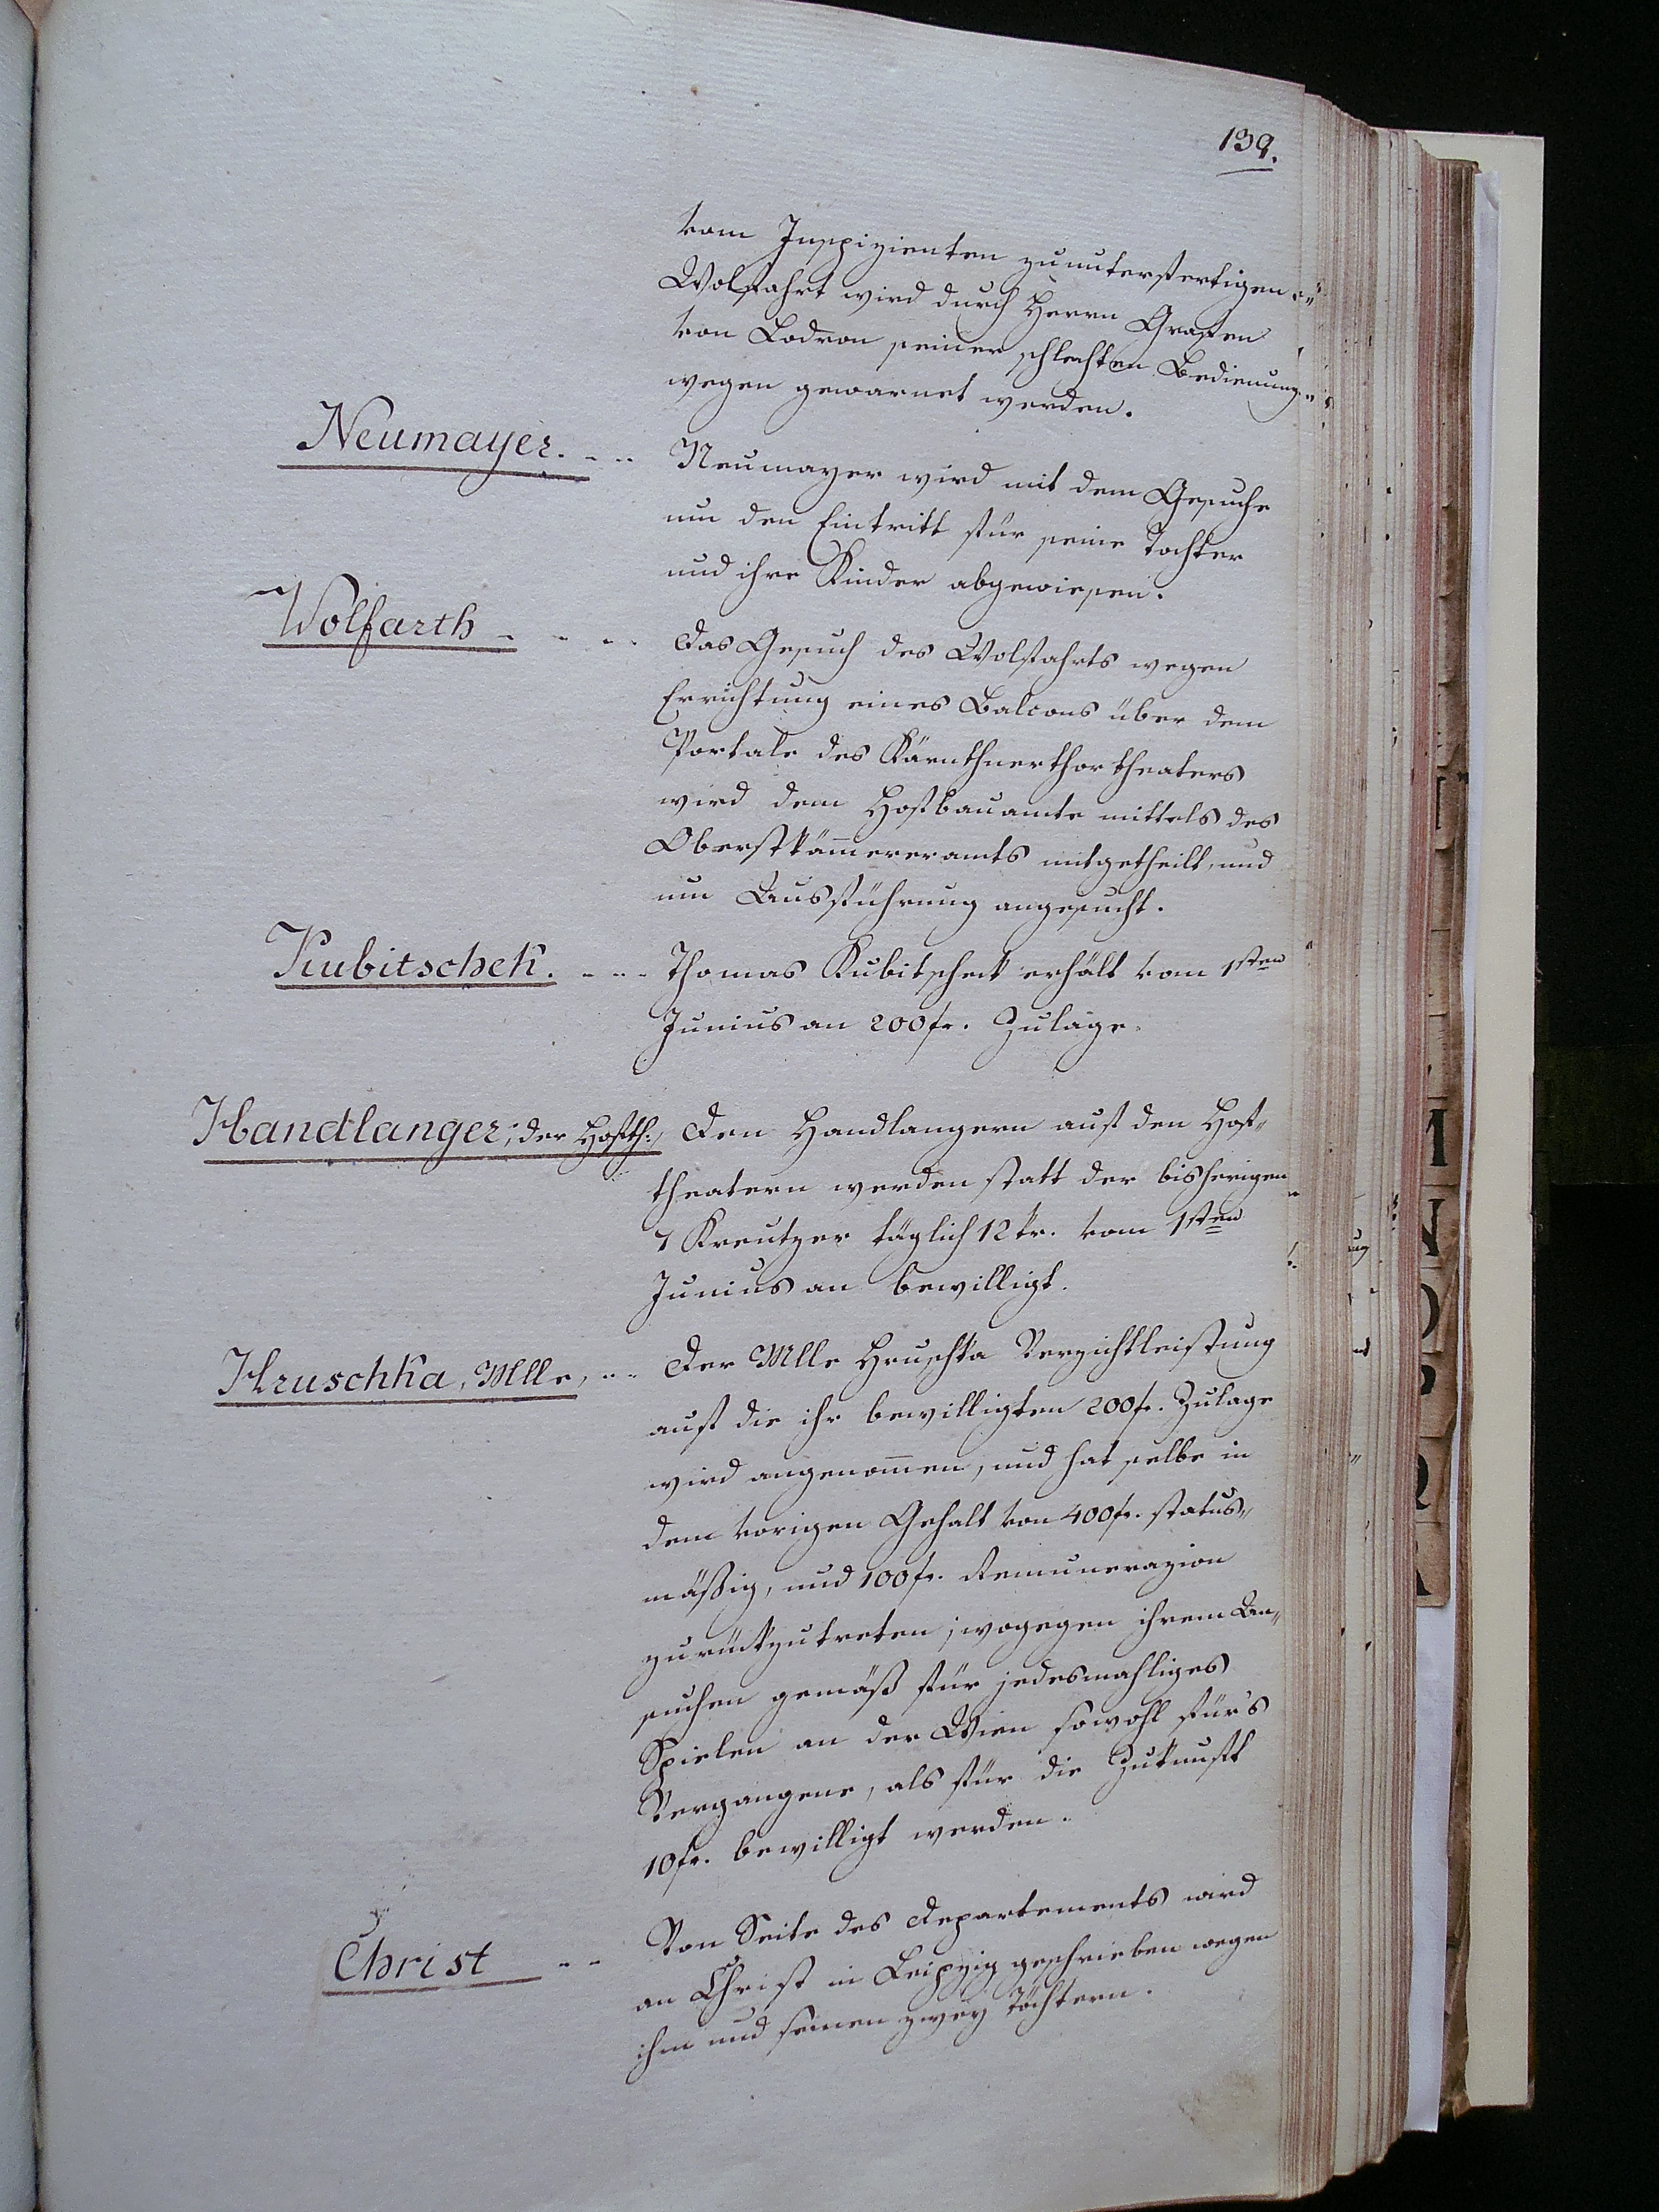139.
vom Inspizienten zu unterfertigen,
Wolfahrt wird durch Herrn Grafen
von Lodron seiner schlechten Bedienung.
wegen gewarnet werden.
Neumayer. .. .. Neumayer wird mit dem Gesuche
um den Eintritt für seine Tochter
und ihre Kinder abgewiesen.
Wolfarth .. .. .. . Das Gesuch des Wolfahrts wegen
Errichtung eines Balcons über dem
Portale des Kärnthnerthortheaters
wird dem Hofbeamte mittels des
Oberstkäm̅ereramts mitgetheilt nund
um Ausführung angesucht.
Kubitschek. .. .. .. Thomas Kubitschek erhält vom 1ste͇n
Junius an 200fr. Zulage.
Handlanger; der Hofth:, Den Handlangern auf den Hf¬
theatern werden statt der bisherigen
7 Kreutzer täglich 12 kr. vom 1ste͇n
Junius an bewilligt.
Hruschka, Mlle, .. .. Der Mlle Hruschka Verzichtleistung
auf die ihr bewilligten 200fr. Zulage
wird angenom̅en, und hat selbe in
dem vorigen Gehalt von 400fr. status¬
mäßig, und 100fr. Remunerazion
zurükzutreten; wogegen ihrem An¬
suchen gemäß für jedesmahliges
Spielen an der Wien sowohl für's
Vergangene, als für die Zukunft
10fr. bewilligt werden.
Christ .. .. Von Seite des Departements wird
an Christ in Leipzig geschrieben wegen
ihm und seinen zwey Töchtern.